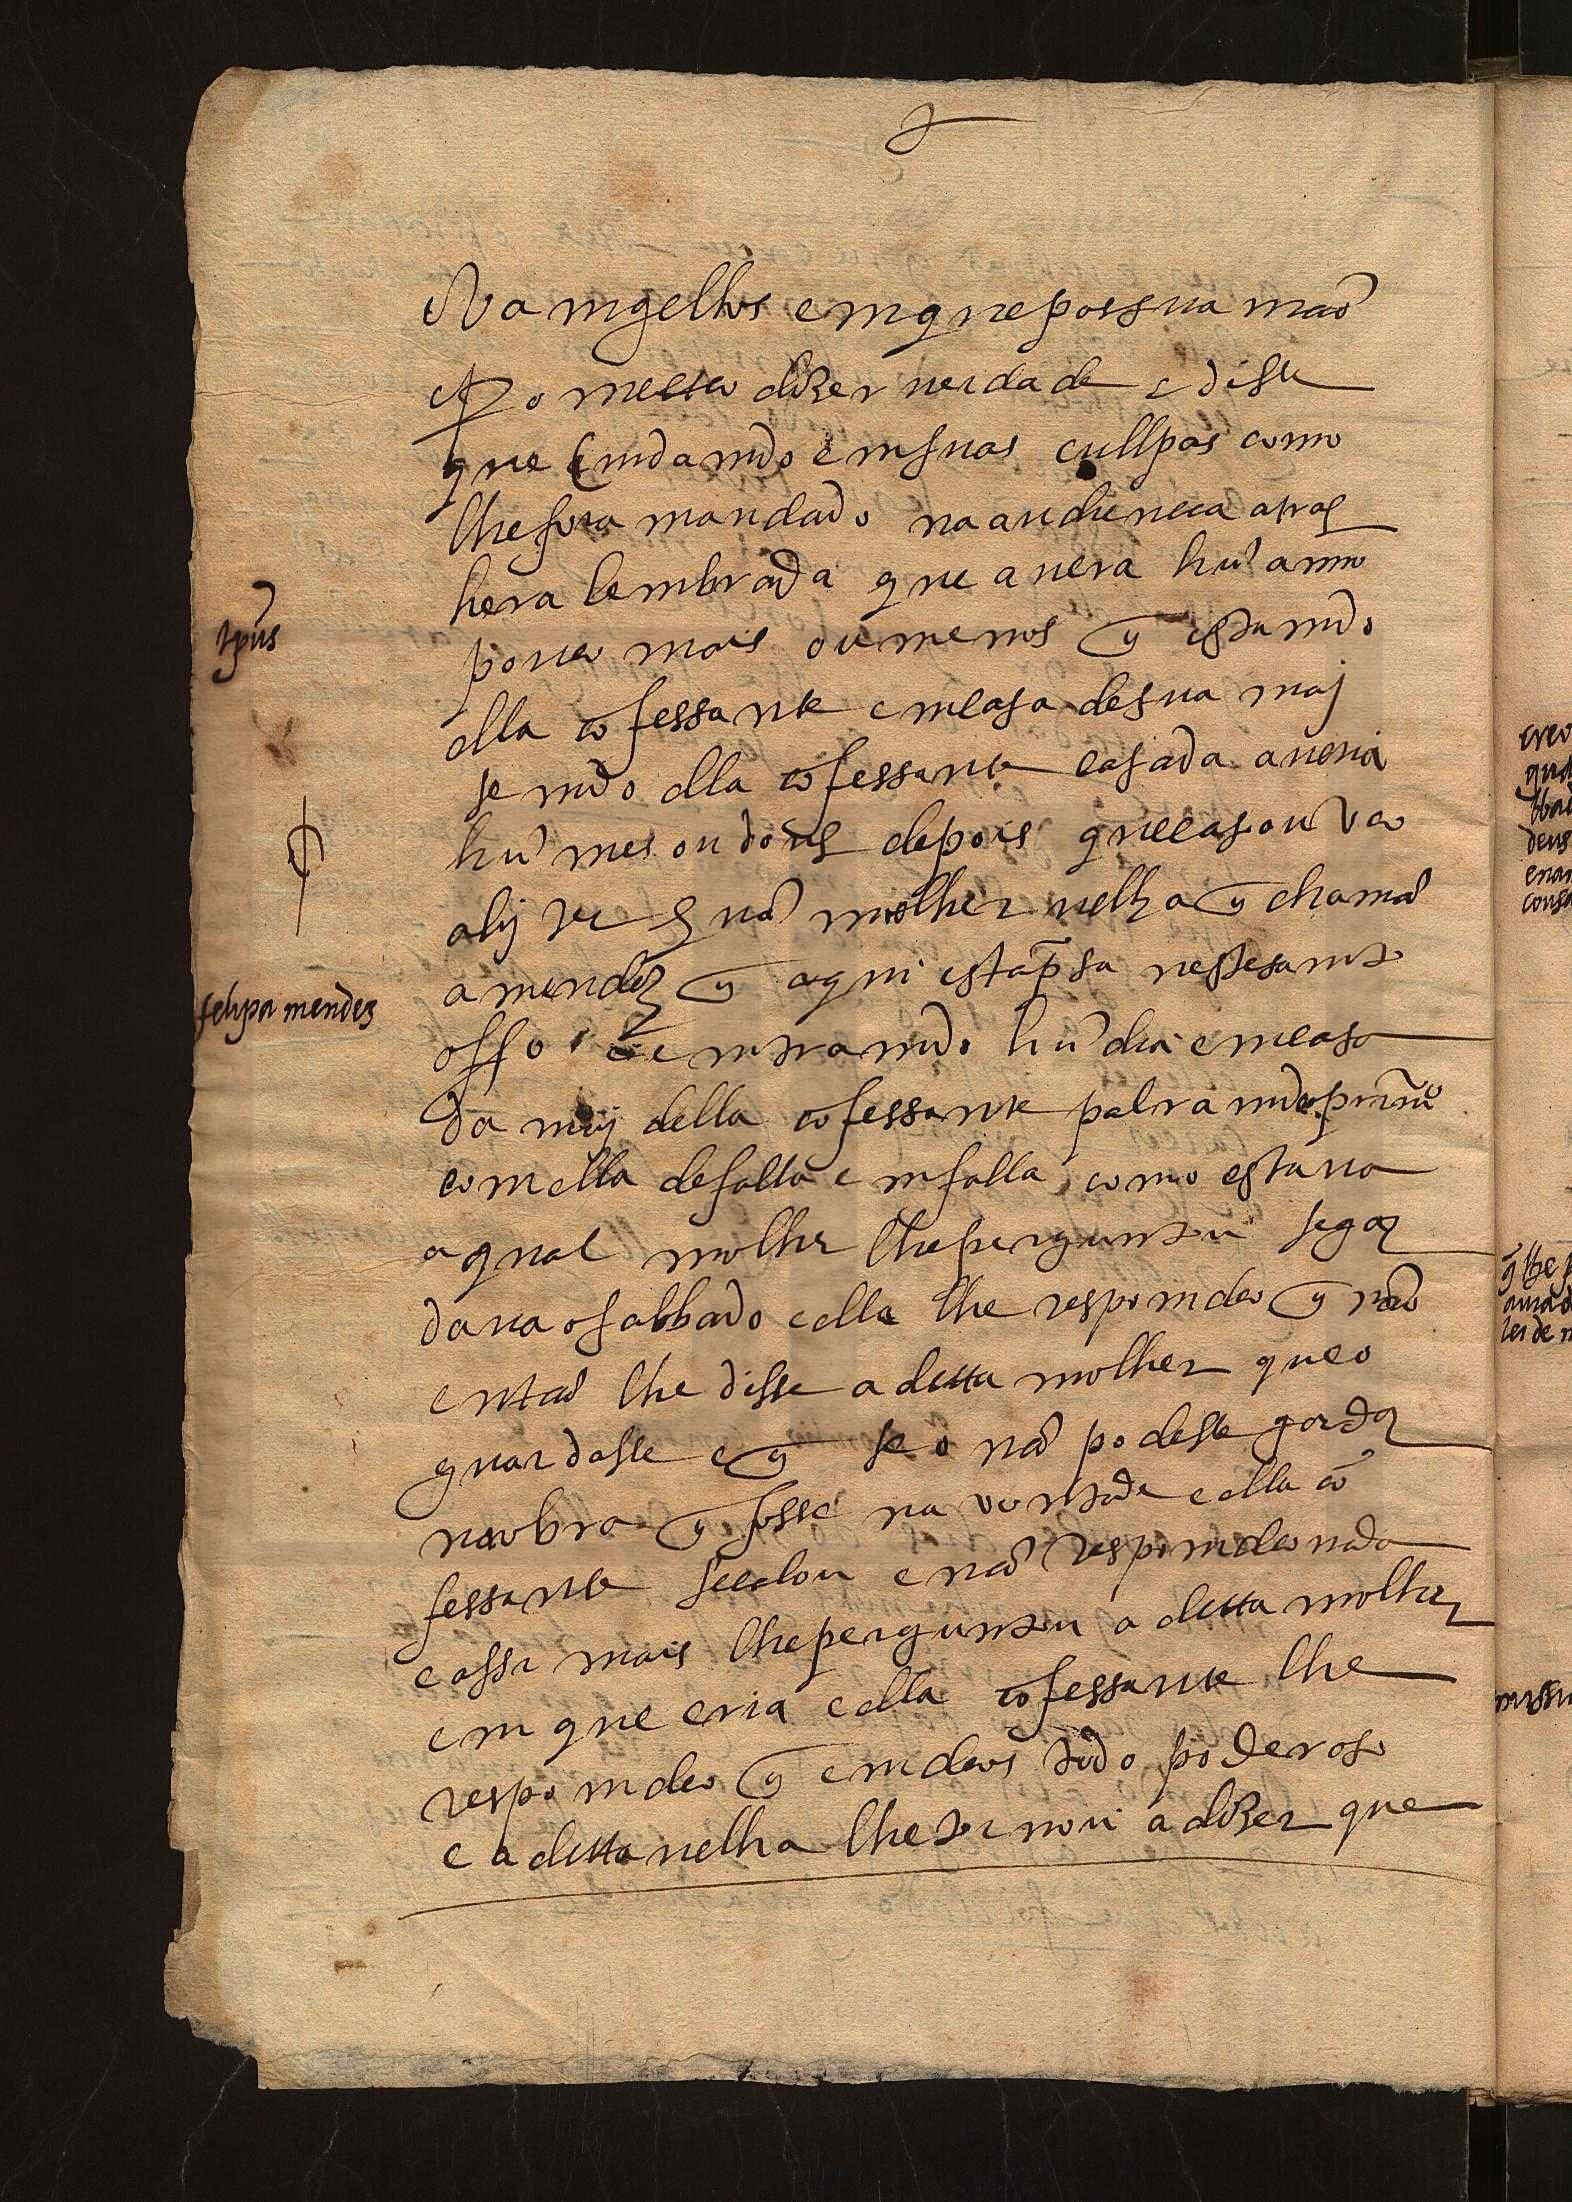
tpūs
felipa mendez
evamgelhos em que pos sua maõ
e ꝑometteo dizer uerdade E disse
que Cuidamdo em suas cullpas como
lhe fora mandado na audiencea atras
hera lembrada que auera hū an̄no
pouco mais ou menos q̄ estamdo
ella cōfessante em casa de sua maj
semdo ella cōfessante casada aueria
hū mes ou dous depois que casou veo
aly ter huā molher uelha a q̄ chamā
a mendez q̄ aqui esta p̄sa neste samto
offo e emtramdo hū dia em casa
da maj della cōfessante palramdo primro
com ella de falla em falla como estaua
a qual molher lhe perguntou se gar
daua o sabbado e ella lhe respomdeo q̄ não
entaõ lhe disse a ditta molher que o
guardasse e q̄ se o não podesse gordar
na obra q̄ fosse na vontade e ella cō
fessante se calou e não respomdeo nada
e assi mais lhe perguntou a ditta molher
em que cria e ella cōfessante lhe
respomdeo q̄ em deos todo poderoso
e a ditta uelha lhe tornou a dizer que
